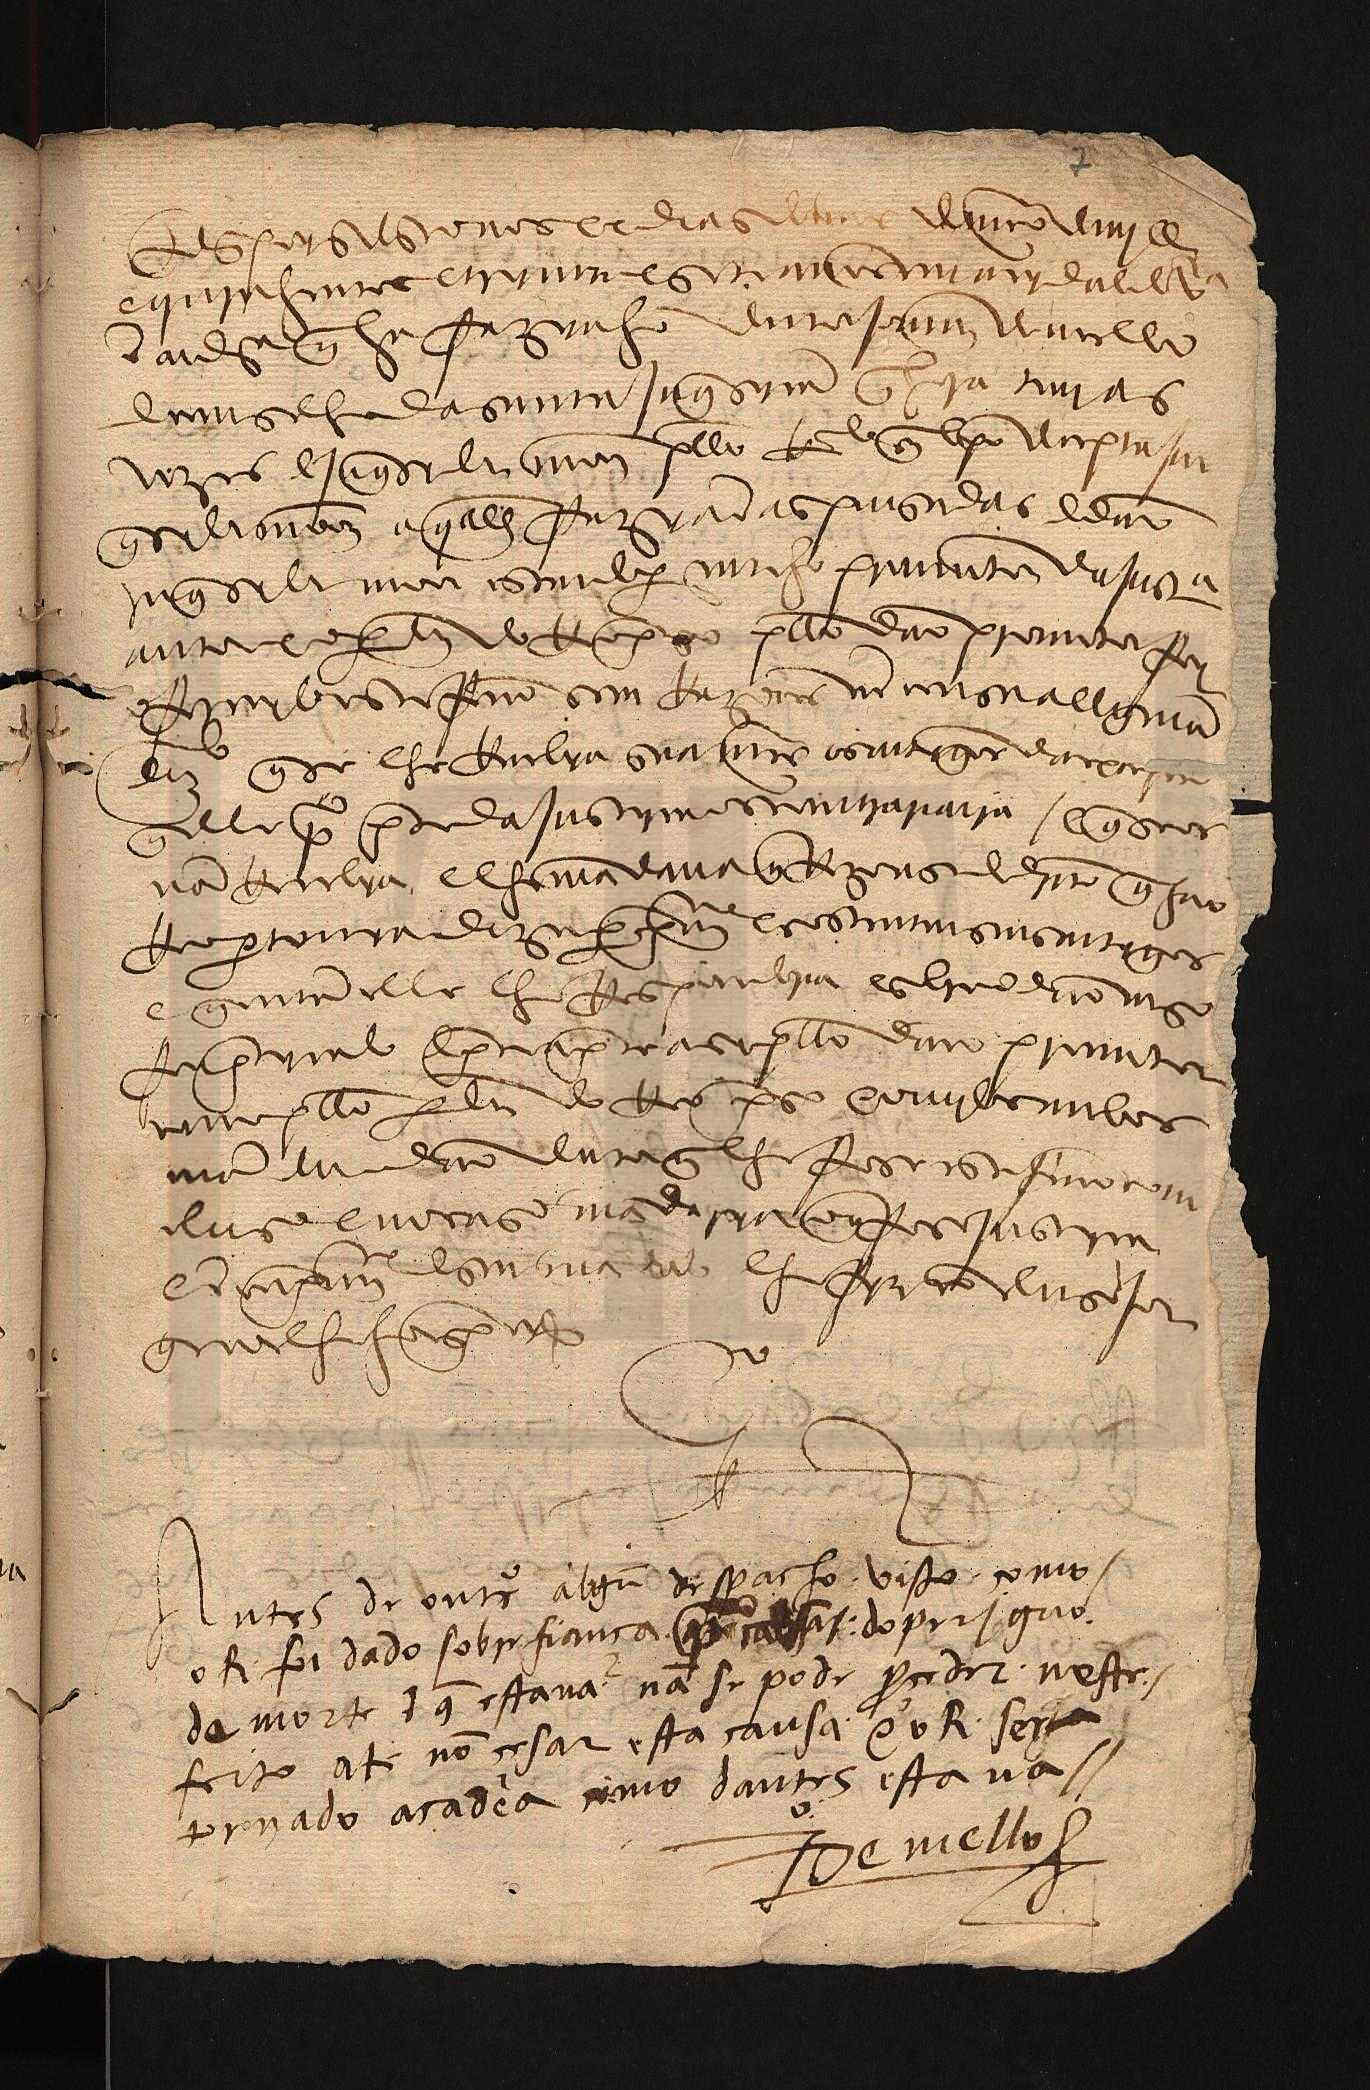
E despoys desto aos xx dias do mes de m̄ço de mjll
e qujnhentos e trynta e sete anos em a cydade devra
ē audja q̄ hi fazya ho doutor Joam de mello
do comselho da santa Jnq̄syçā q̄ hora tem as
vezes de Jnq̄sydor moor p̄llo Rdo s̄r bp̄o de cepta Jm
q̄sydor moor a q̄all fazya ē as pousadas do dito
Jnq̄sydor moor estando ꝑsente ho promutor da Justa
autor e o ꝑdor do Reo p̄so p̄llo dito promotor foy
oferecydo este feito sem Razões nē cousa allgūa
dizdo q̄ se lhe Recebya sua m̄ce os artygos da excepçā
q̄ elle p̄o p̄te da Justyça os comtrariarja / e q̄ se os
nā Recebya e lhe mādaua q̄ Rezoase de dirto q̄ hao
Reo ꝑtencya dizer ꝑ p̄mro e sostentar seus artygos
e q̄ entā elle lhe Responderia e sobre o dito caso
foy p̄tycado de p̄te a p̄te asy p̄llo dito promotor
como p̄llo ꝑdor do Reo p̄so e ouujdos ambos
mādou o dito doutor q̄ lhe fose este feito com
cluso e no caso mādarya o q̄ fose Justyça
e ē cōp̄imto de seu mādado lhe fyz cōcluso Jor
ge coelho ho esp̄uy
Co
Antes de outro algū despacho visto como
o R. foi dado sobre fiança p̄o causa / do perjguo
da morte ē q̄ estaua nā se pode ꝓceder neste /
feito ate nō cesar esta causa e o R. ser ja
tornado a cadea como dantes estaua //
Jo de mello
